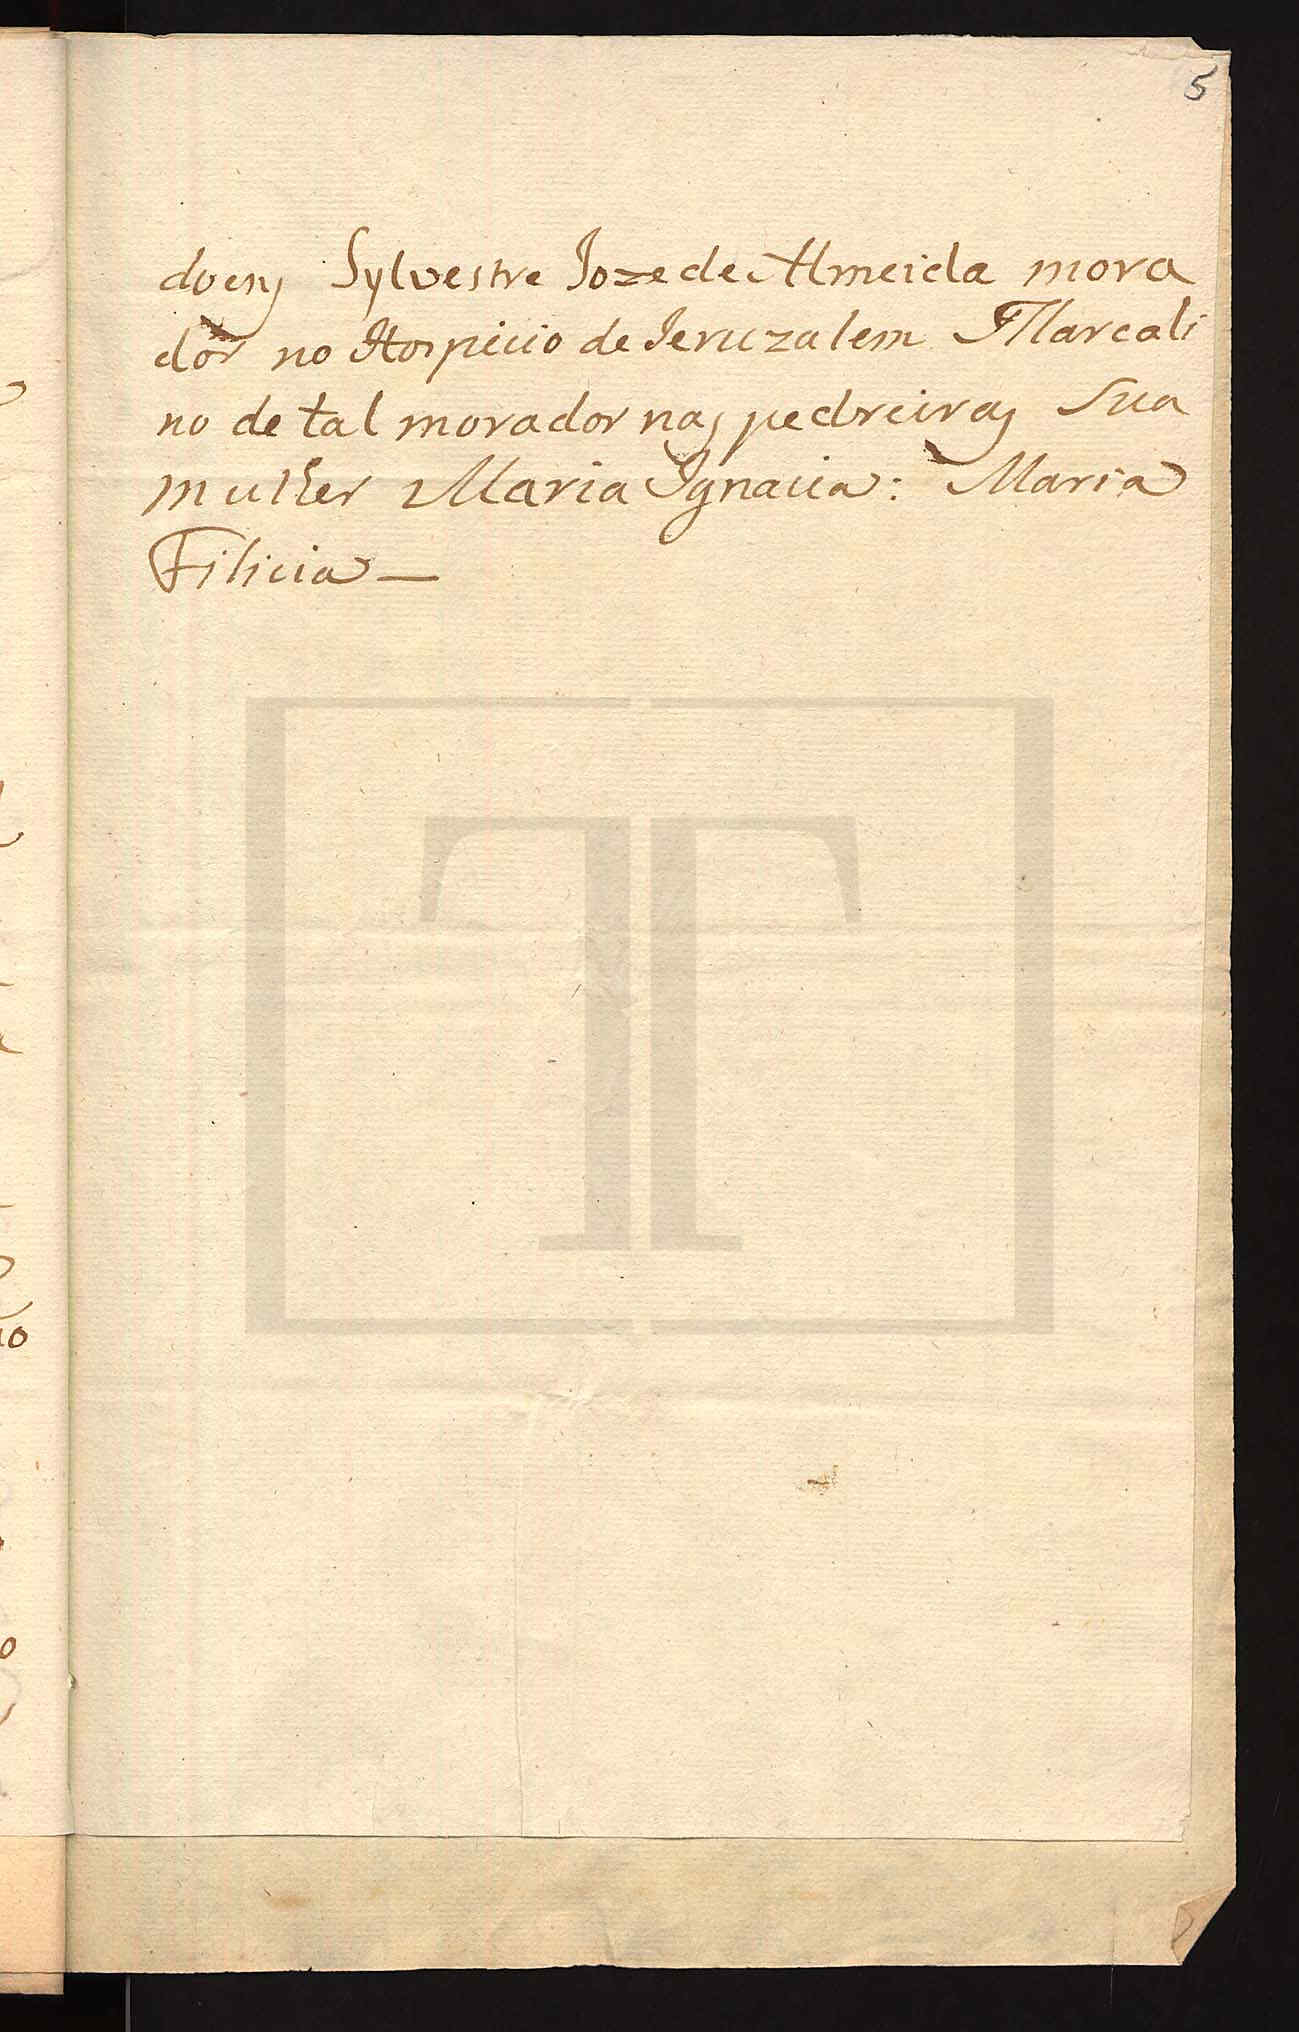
doens Sylvestre Ioze de Almeida mora
dor no Hospicio de Ieruzalem Marcoli
no de tal morador nas pedreiras sua
mulher Maria Ignacia: Maria
Filicia-
